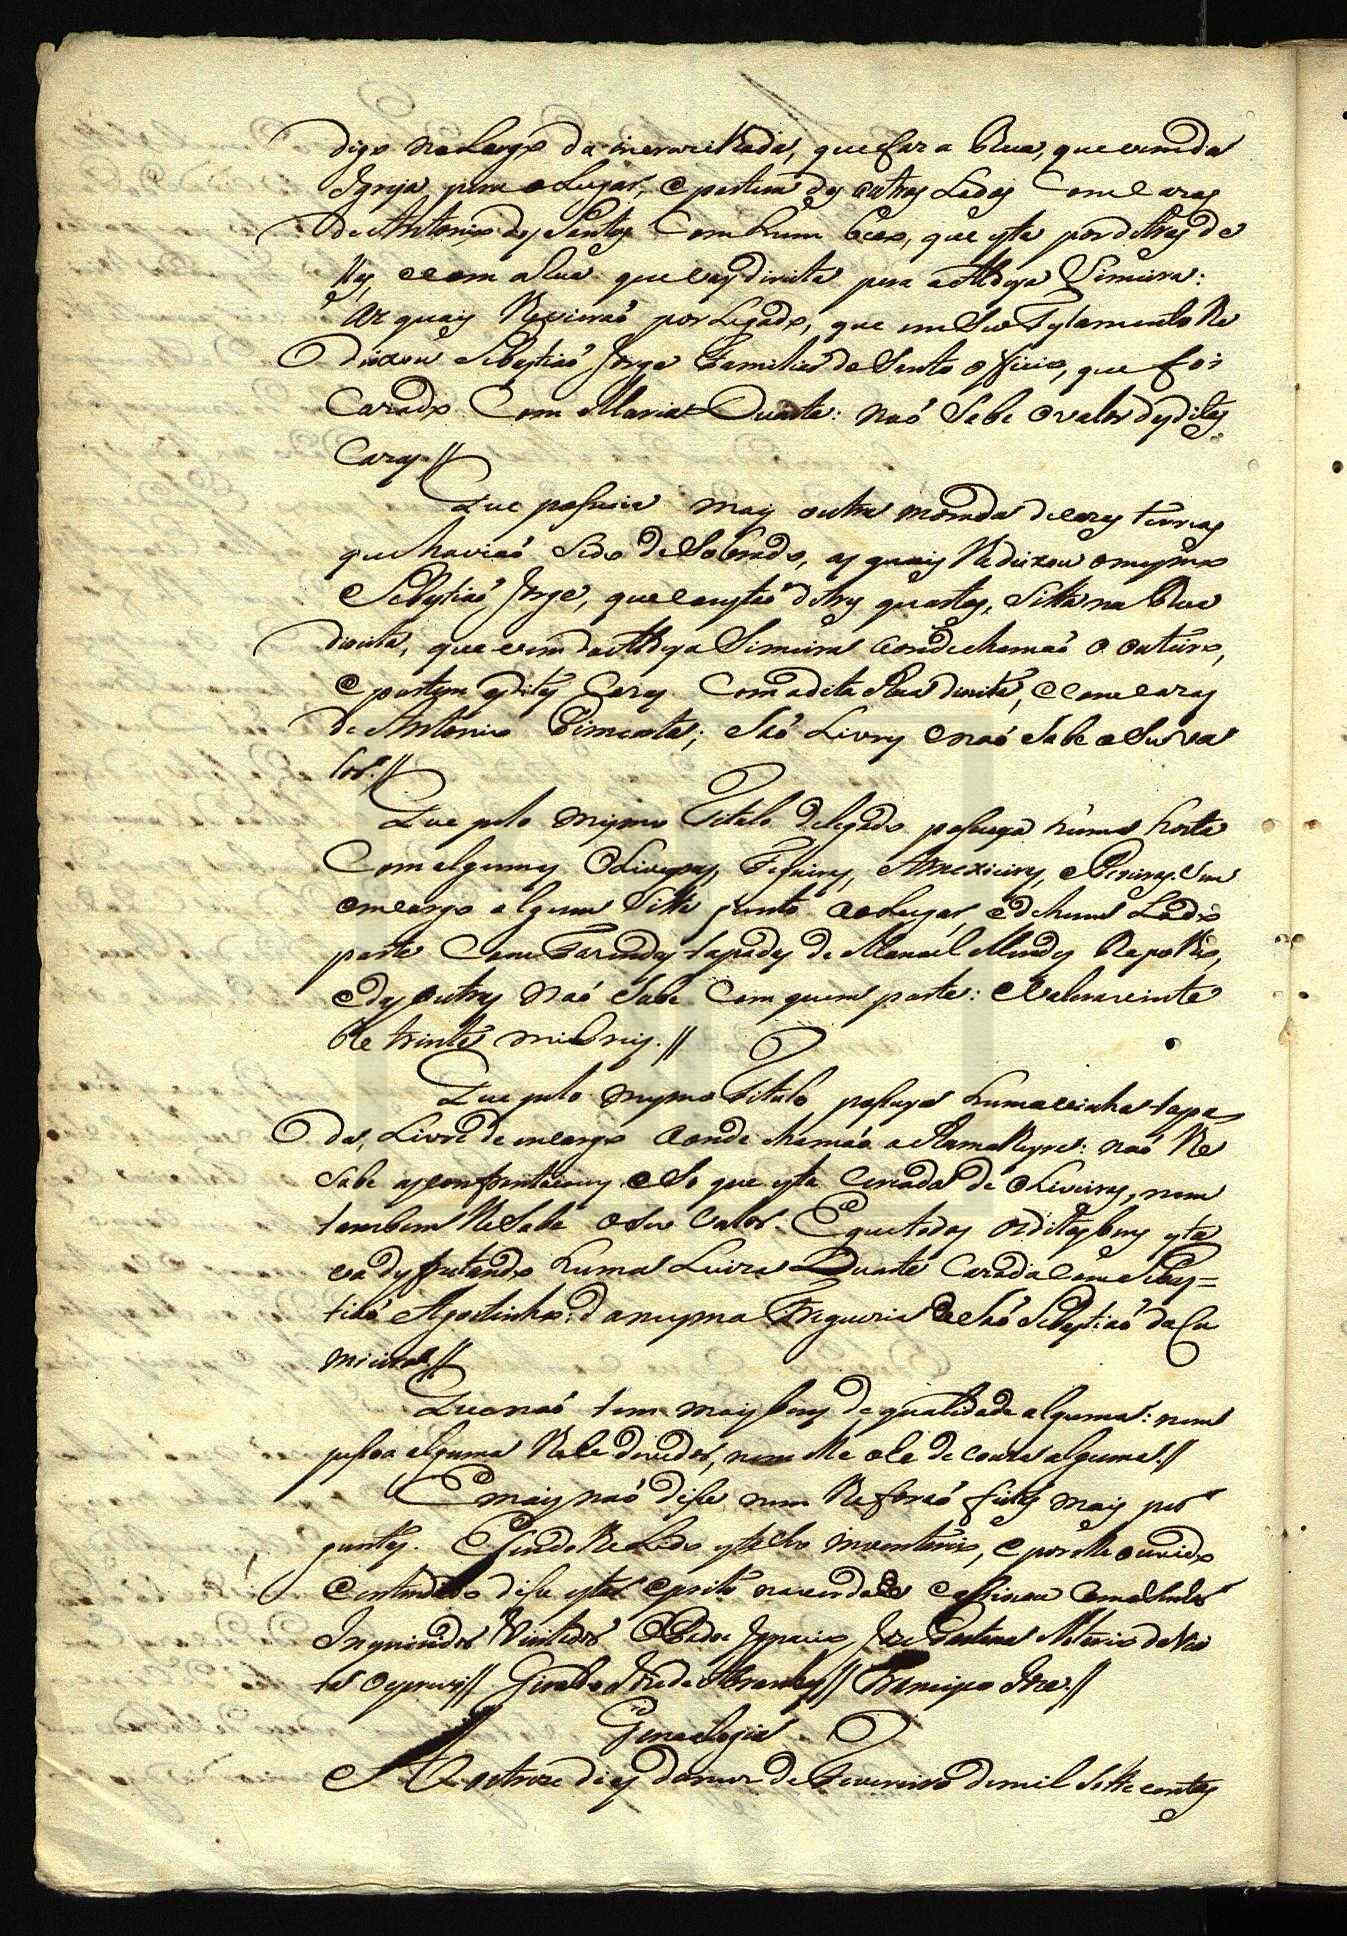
digo no Largo da merazilhada, que faz a Rua, que vem da
Igreja para o Lugar, e partira dos outros Lados Com cazas
de Antonio das Pontas Com hum beco, que esta por detras de
llas, e com a Rua que uay direita para a Aldeya Vimeira:
az quais lhe vieraõ por Legado, que em Seo Testamento lhe
deixou Sebastiaõ Jorge Familiar do Santo officio, que foi
Cazado Com Maria Duarte: naõ sabe o valor das ditas
Cazas.//
Que passaria mais outra morada de cazas terreas
que haviaõ sido de Sobrado, as quais lhe deixou o mesmo
Sebastiaõ Jorge, que constaõ de tres quartos, sitta na Rua
direita, que vem da Aldeya Simeira aonde chamaõ o outeiro,
e partem as ditas Cazas Com a dita Rua direita, e com cazas
de Antonio Pimenta; Saõ Livres e naõ sabe o seu va
lor.//
Que pelo mesmo Titulo delegado possuya huma horta
com algumas OLiveyras, Feguiras, Amexieiras, e Pereiras. Sem
emcargo algum sitta junto ao Lugar, e de hum Lado
parte Com Fazendas tapadas de Manoel Mendes Repolho,
e das outras naõ sabe com quem parte: e valera vinte
ou trinta mil reis.//
Que pelo mesmo Titulo possuya huma vinha tape
da, Livre de encargo aonde chamaõ a Ramalheyre: naõ lhe
sabe as confrontacoens. e So que esta cercada de oLiveiras, nam
também lhe Sabe o Seu valor. E que todas os ditos bens esta
va desfrutando huma Luiza Duarte Cazada com Sebas
tiaõ Agostinho: da mesma Freguezia de Saõ Sebastiaõ da Cu
mieira. //
Que naõ tem mais bens de qualidade alguma: nem
pessoa alguma lhe he devedor, nem elle o he de couza alguma.//
E mais naõ disse nem lhe foraõ feitas mais per
guntas. E sendo lhe Lido este seo inventario, e por elle ouvido
E entend_o disse estar escrito na verdade e assinou com o senhor
Inquisidor Visitador O Padre Jgnacio Joze Pastana Notario da Vara
e o escrevi// Giraldo Joze de Abrantes// Francisco Joze.//
Genoelogia
Aos treze dias do mez de Fevereiro de mil settecentos
